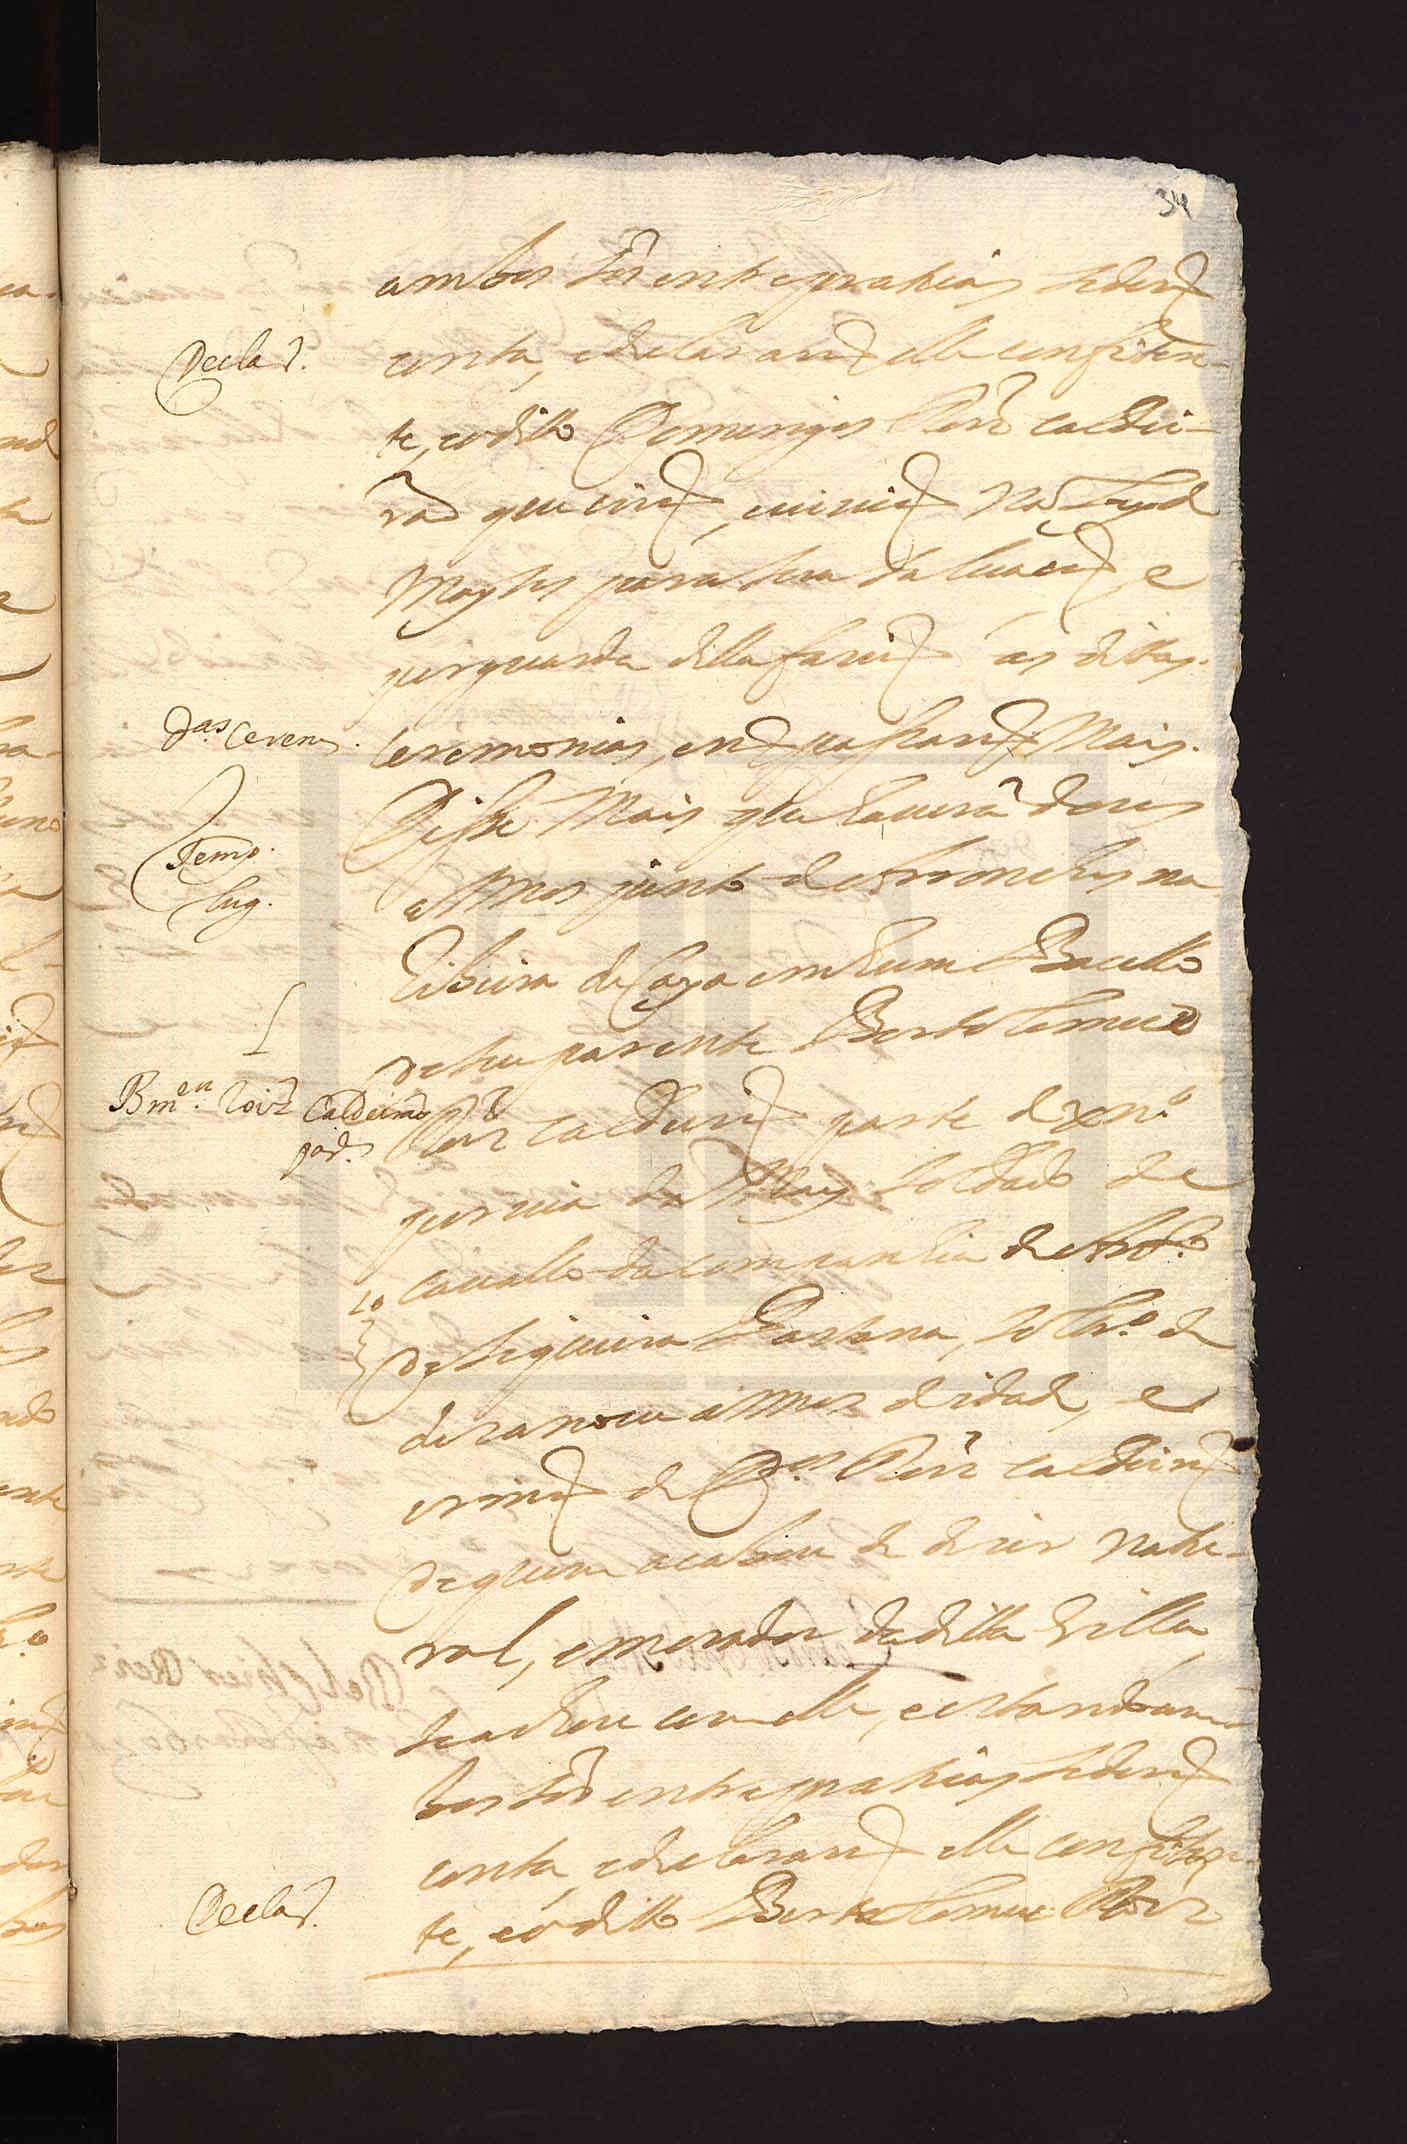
ambos sós entre praticas se deraõ
conta, e declararaõ elle confiten
Declar.
te, e o dito Domingos Roiz̄ caldei
raõ que criaõ, e uiuiaõ na Ley de
Moyzes para sua saluaçaõ, e
por guarda della faziaõ as ditas
d.as cerem
ceremonias, e nã passaraõ Mais.
Disse Mais que hauerá dous
Temp.
annos junto de Arronches na
Lug.
Ribeira de Caya em hum Bacello
de seu parente Bertolemeu
Bm.eu Roiz̄ Caldeiraõ
por.e
Roiz caldeiraõ parte d x n.o
por uia da May soldado de
cauallo da companhia de Ant.o
de Siqueira Pastana, soltr.o de
dezanoue annos didade, e
irmaõ de D.os Roiz̄ caldeiraõ
de quem acabou de dizer natu
ral, e morador da ditta Villa
se achou com elle, e estando am
bos sós entre praticas se deraõ
conta e declararaõ elle confiten
te, e o dito Bertolomeu Roiz̄
Declar.
